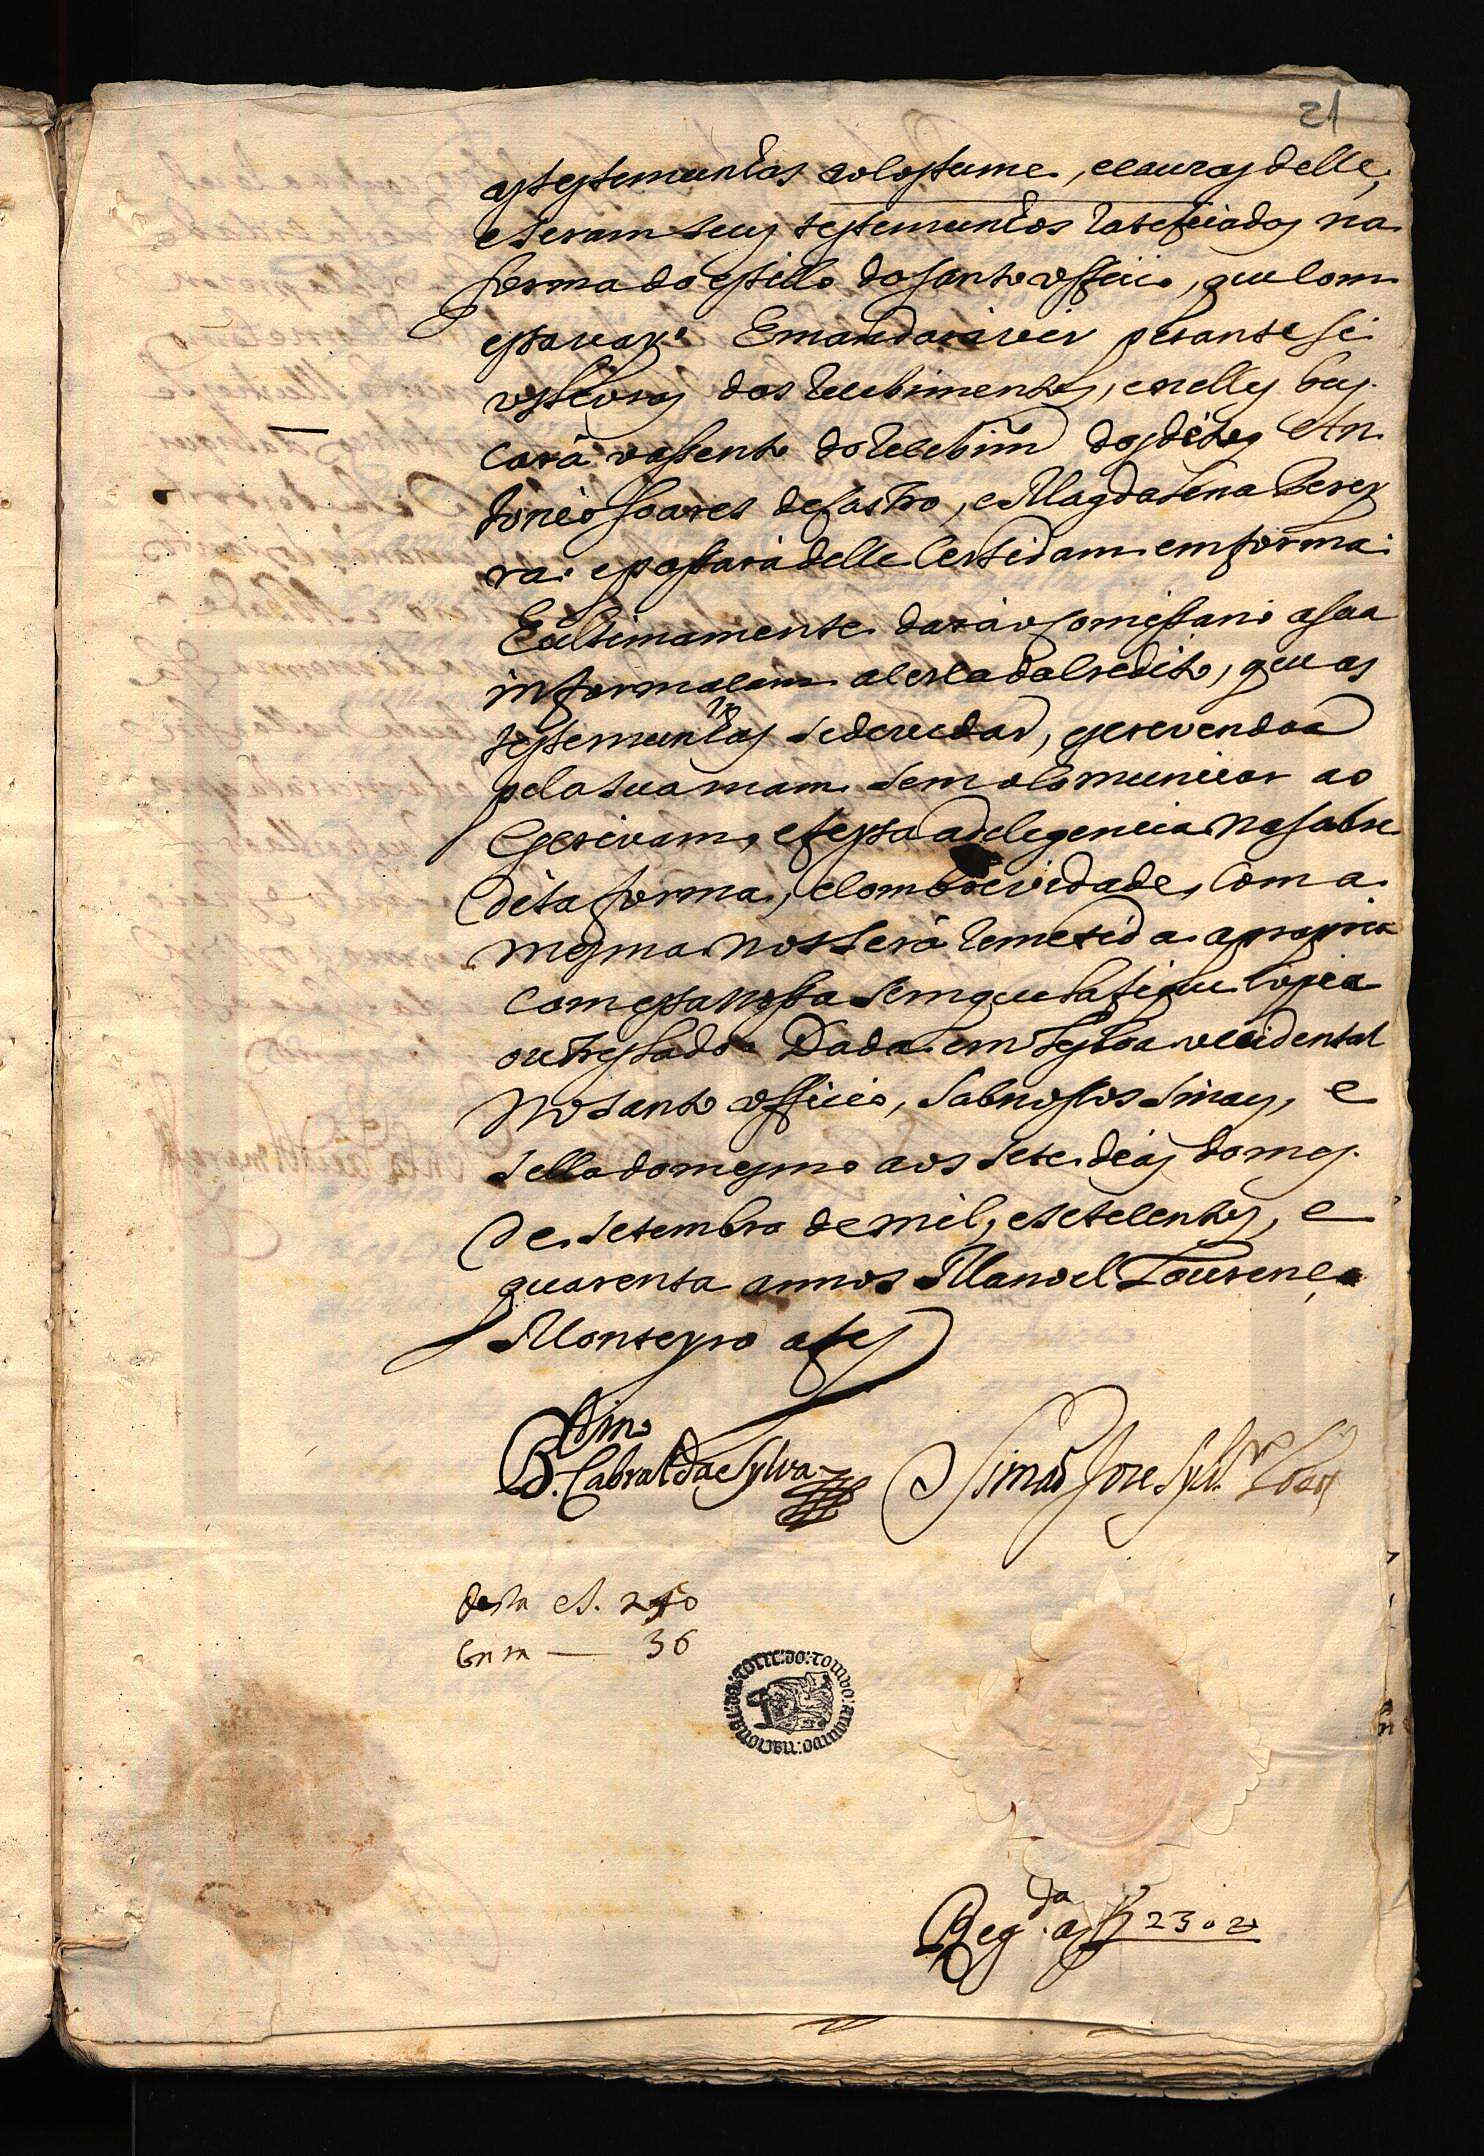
as testemunhas ao costume, e cauzas delle,
e seram seus testemunhos Rateficados na
forma do estillo do santo officio, que com
esta vay. E mandara vir perante si
os livros dos Recebimentos, e nelles bus
cará o assento do Recebimto dos ditos An
tonio soares de Castro, e MagdaLena Perey
ra; e passará delle certidam em forma
E ultimamente dará ao Comissario a sua
informaçam acerca do credito, que as
testemunhas se deue dar, escrevendoa
pela sua mam sem o comunicar ao
escrivam, e feyta a deligencia na sobre
dita forma, e com brevidade, com a
mesma nos será Remetida a propria
com esta nossa sem que la fique copia
ou treslado Dada em Lisboa occidental
no santo officio, sob nossos sinaes, e
sello do mesmo aos sete dias do mes.
de setembro de mil, e setecentos, e
quarenta annos Manoel Lourenço
Monteyro a fes
Reg.da a fl 2303
B.dino Cabral da Sylva
Simaõ Joze Sylv.ro Lobo
desta e I. 250
conta
36
